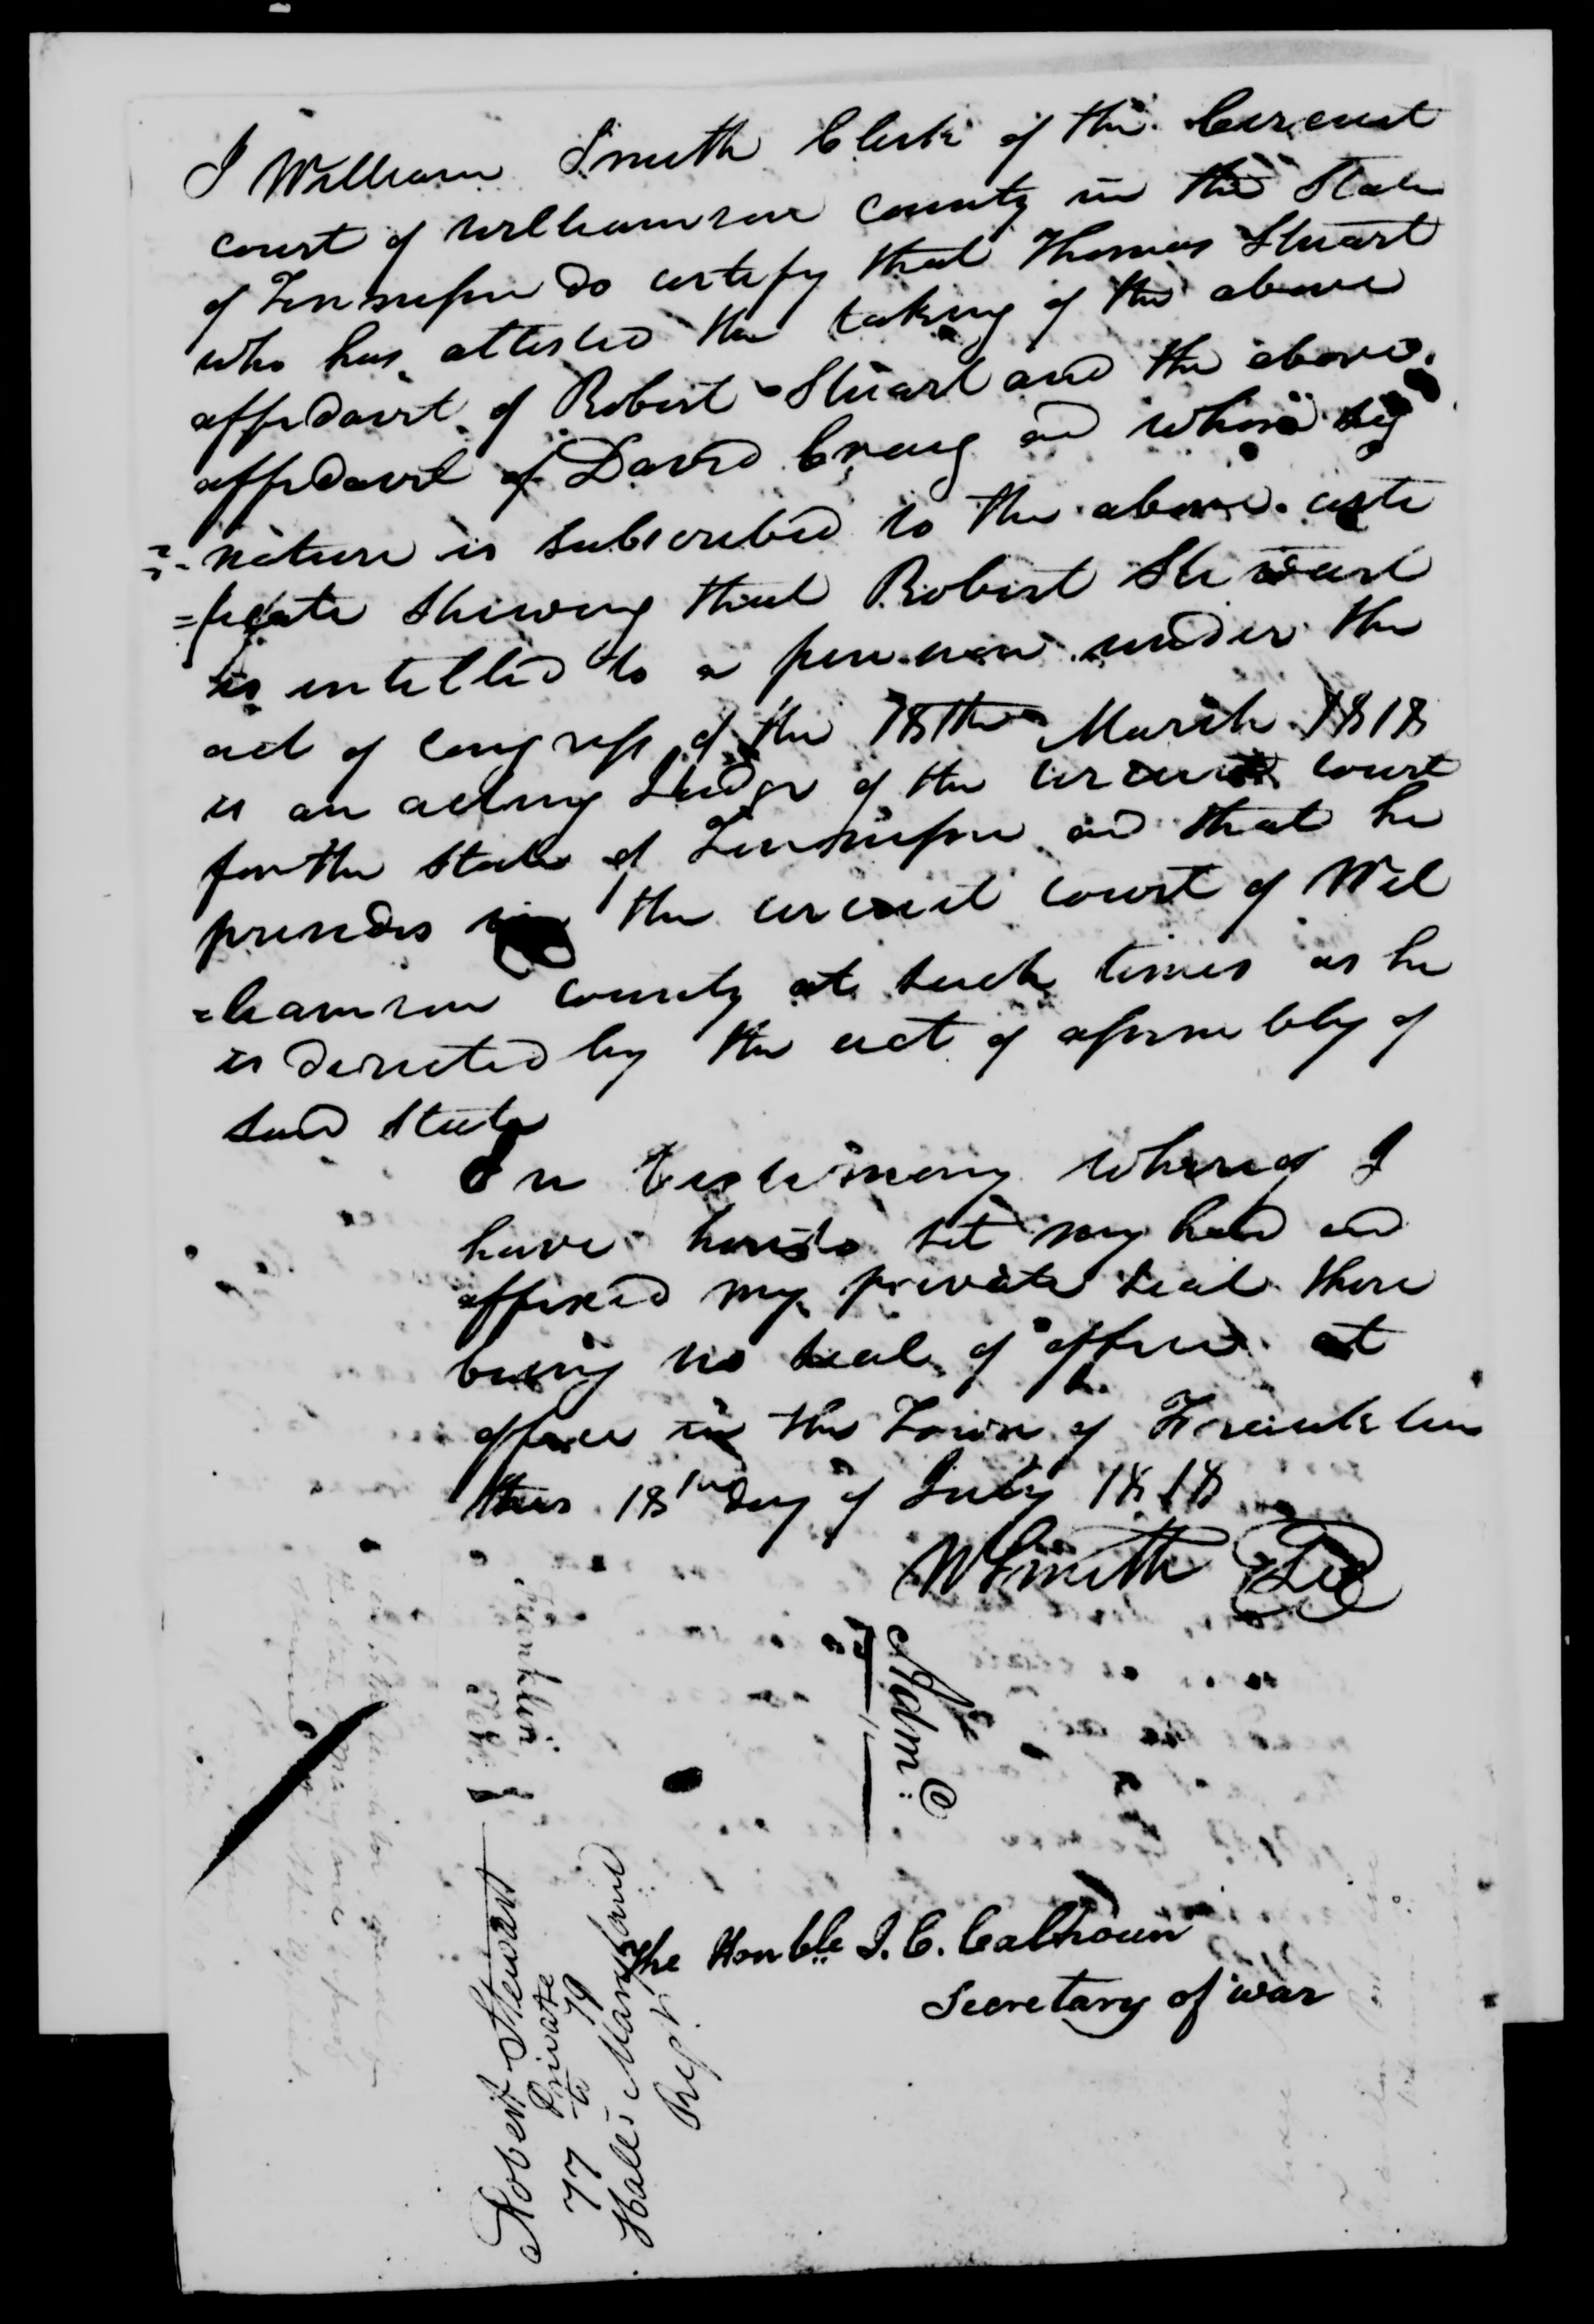I William Smith Clerk of the Circuit Court of Williamson County in the state of Tennessee do certify that Thomas Stuart who has attested the taking of the above affidavit of Robert Stuart (Stewart) and the above affidavit of David Craig on whose signature is subscribed to the above certificate showing that Robert Stewart is entitled to a pension under the act of congress of the 18th March 1818 is an acting Judge of the circuit court for the state of Tennessee and that he [illegible] the circuit court of Williamson county at such times as he is directed by the act of assembly of said state.

In testimony whereof I have hereto set my hand and affixed my private seal there being no seal of office at office in the town of Franklin this 18th day of July 1818.

W. Smith - Clerk

Adm.
The Honorable J C Calhoun
Secretary of War

Robert Stewart
Private 
77 to 79
Hall, Maryland
Regt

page: 9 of 15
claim: survivor's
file: S 39089, for Robert Stewart, Maryland